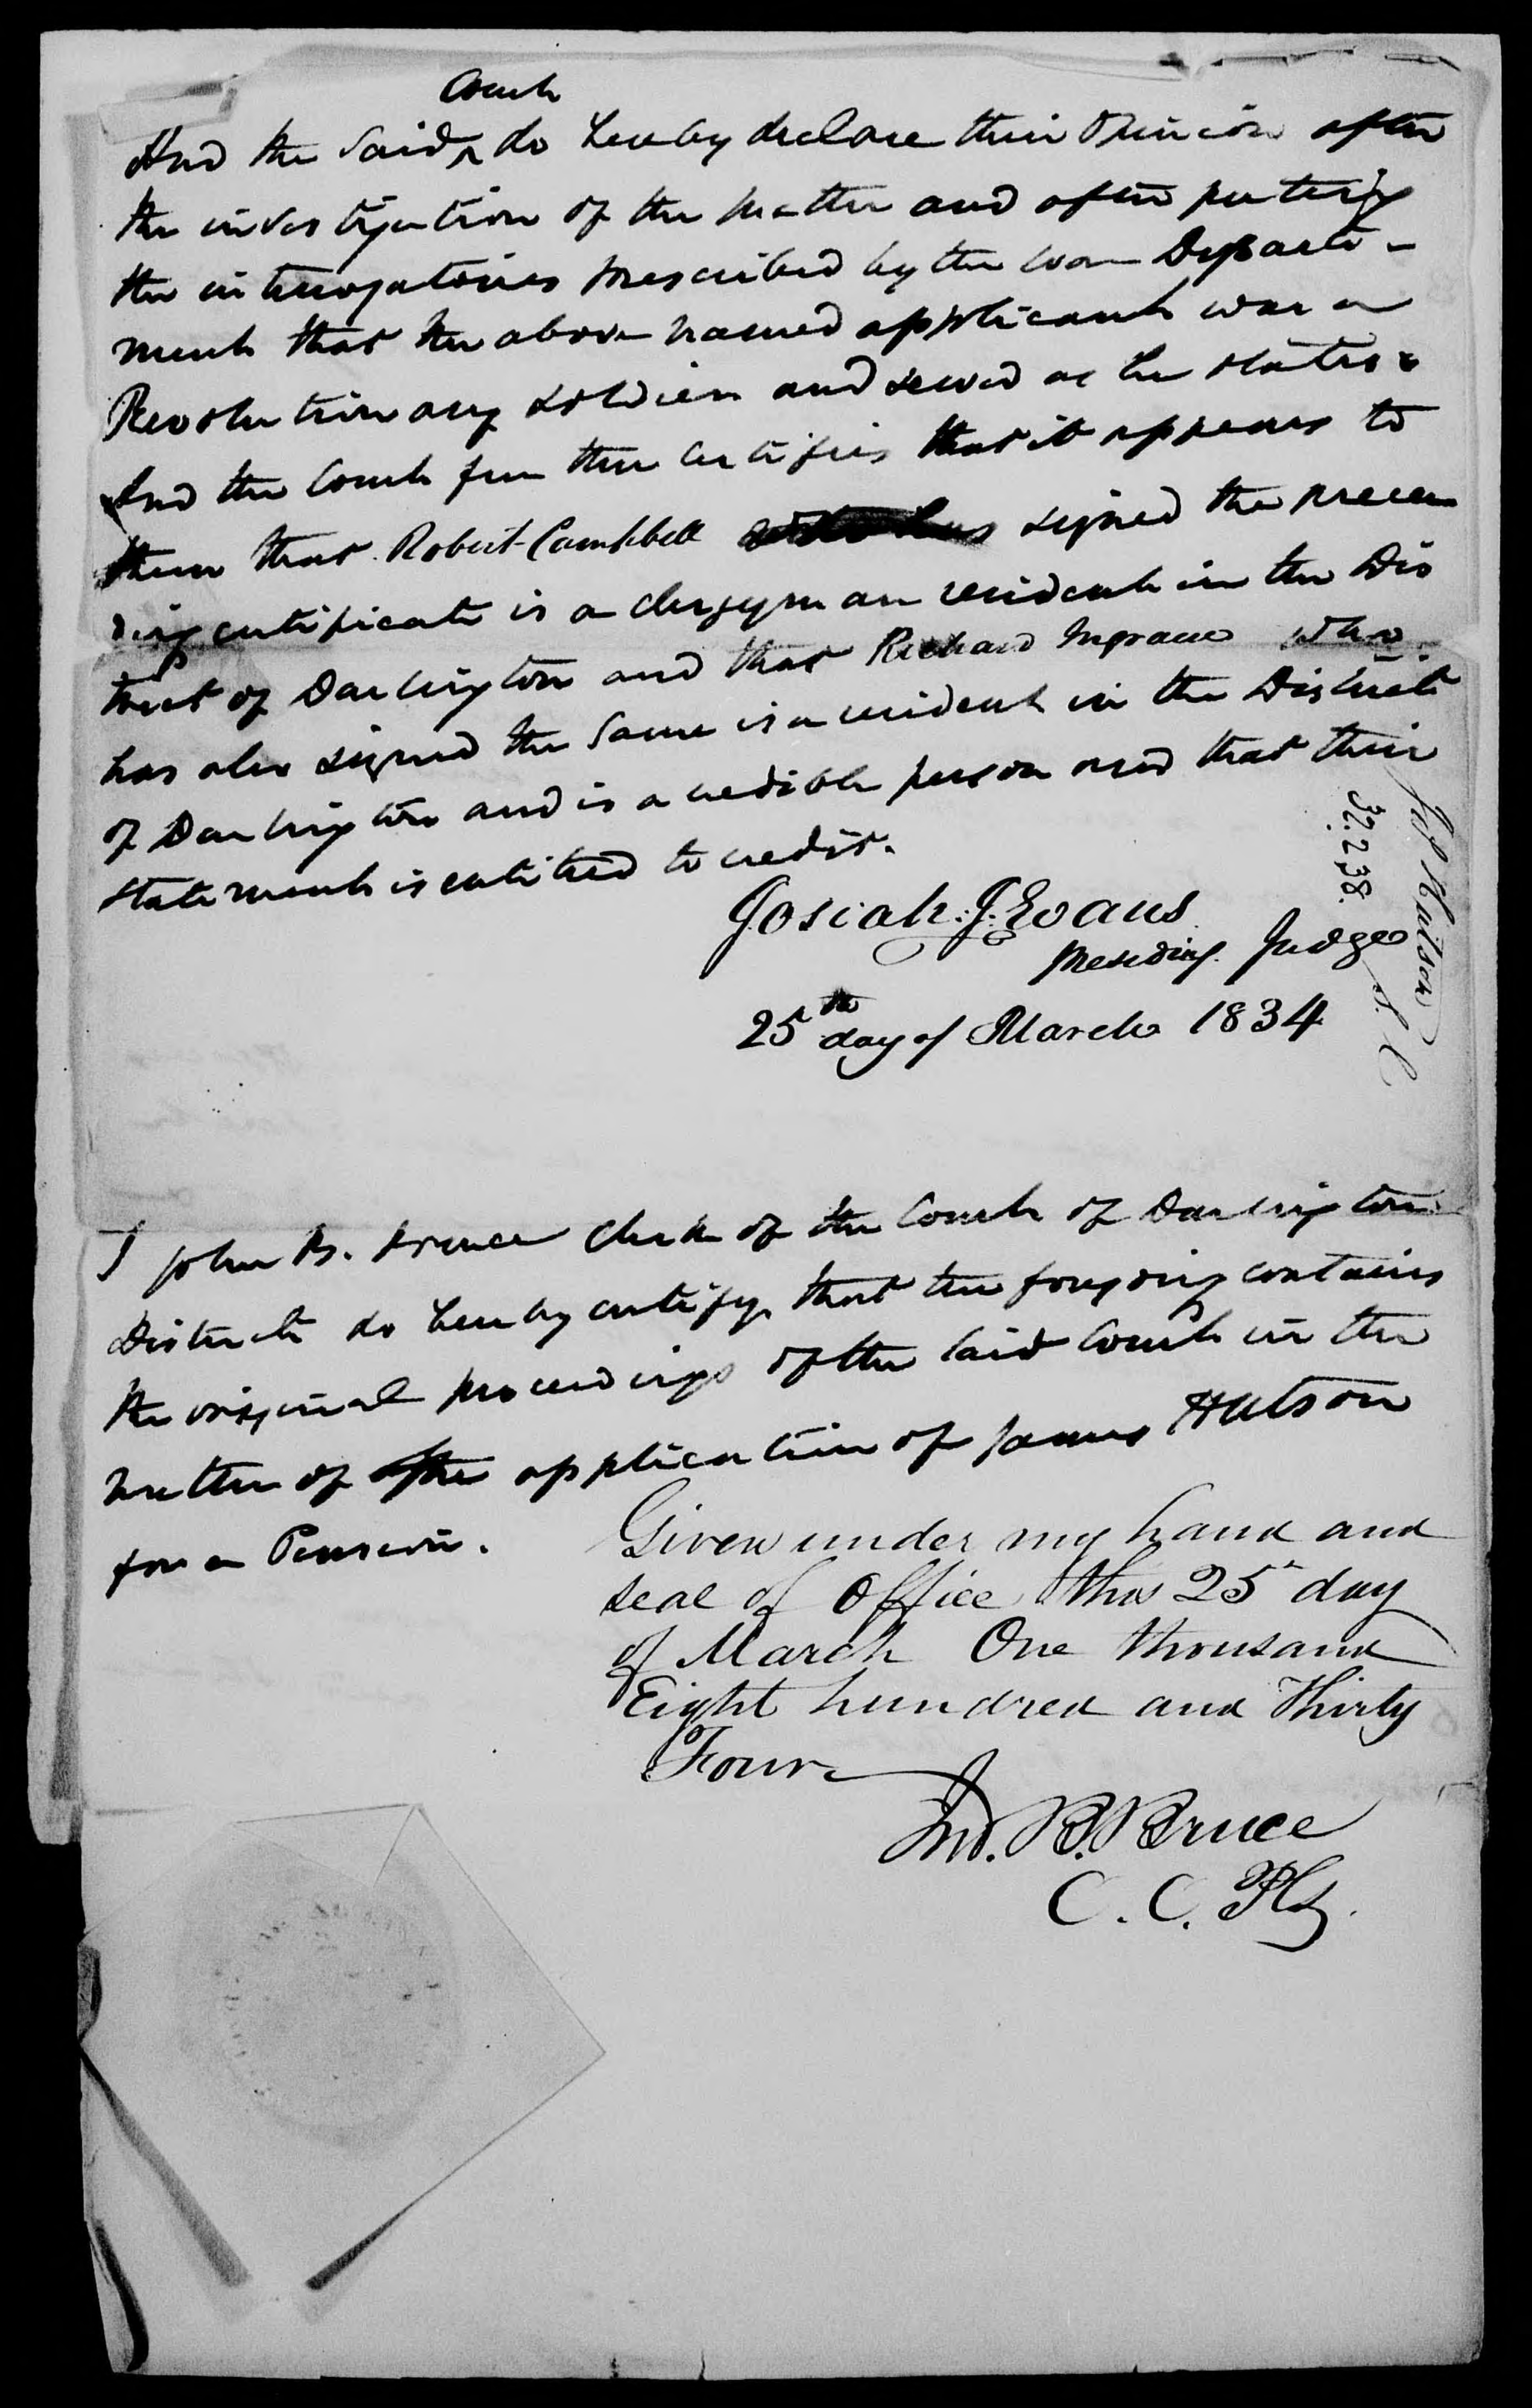Thus the said Courts do hereby declare their opinion after the investigation of the matter and after putting the interrogatories prescribed by the war Department that the above named applicant was a Revolutionary soldier and served as he states &. And the Court further certifies that it appears to them that Robert Campbell signed the preceding certificate is a clergyman and resident in the District of Darlington and that Richard Ingram, who has also signed he same is a resident in the District of Darlington and is a credible person and that their statements is entitled to credit. 

[signature]Josiah J. Evans
Presiding Judge
25th day of March 1834

I John B Bruce Clerk of the Court of Darlington District do hereby certify that the foregoing contains the original proceedings of the Said Court in the matter of the application of James Hutson for a Pension

Given under my hand and seal of Office, this 25th day of March, One thousand Eight hundred and Thirty Four

[signature] Jno B  Bruce
C.C Pls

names: James Hutson, Robert Campbell, Josiah J Evans, Jno B Bruce, Richard Ingram, Jas Hutson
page: 5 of 33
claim: rejected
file: R. 5334, James Hudson, N.C.